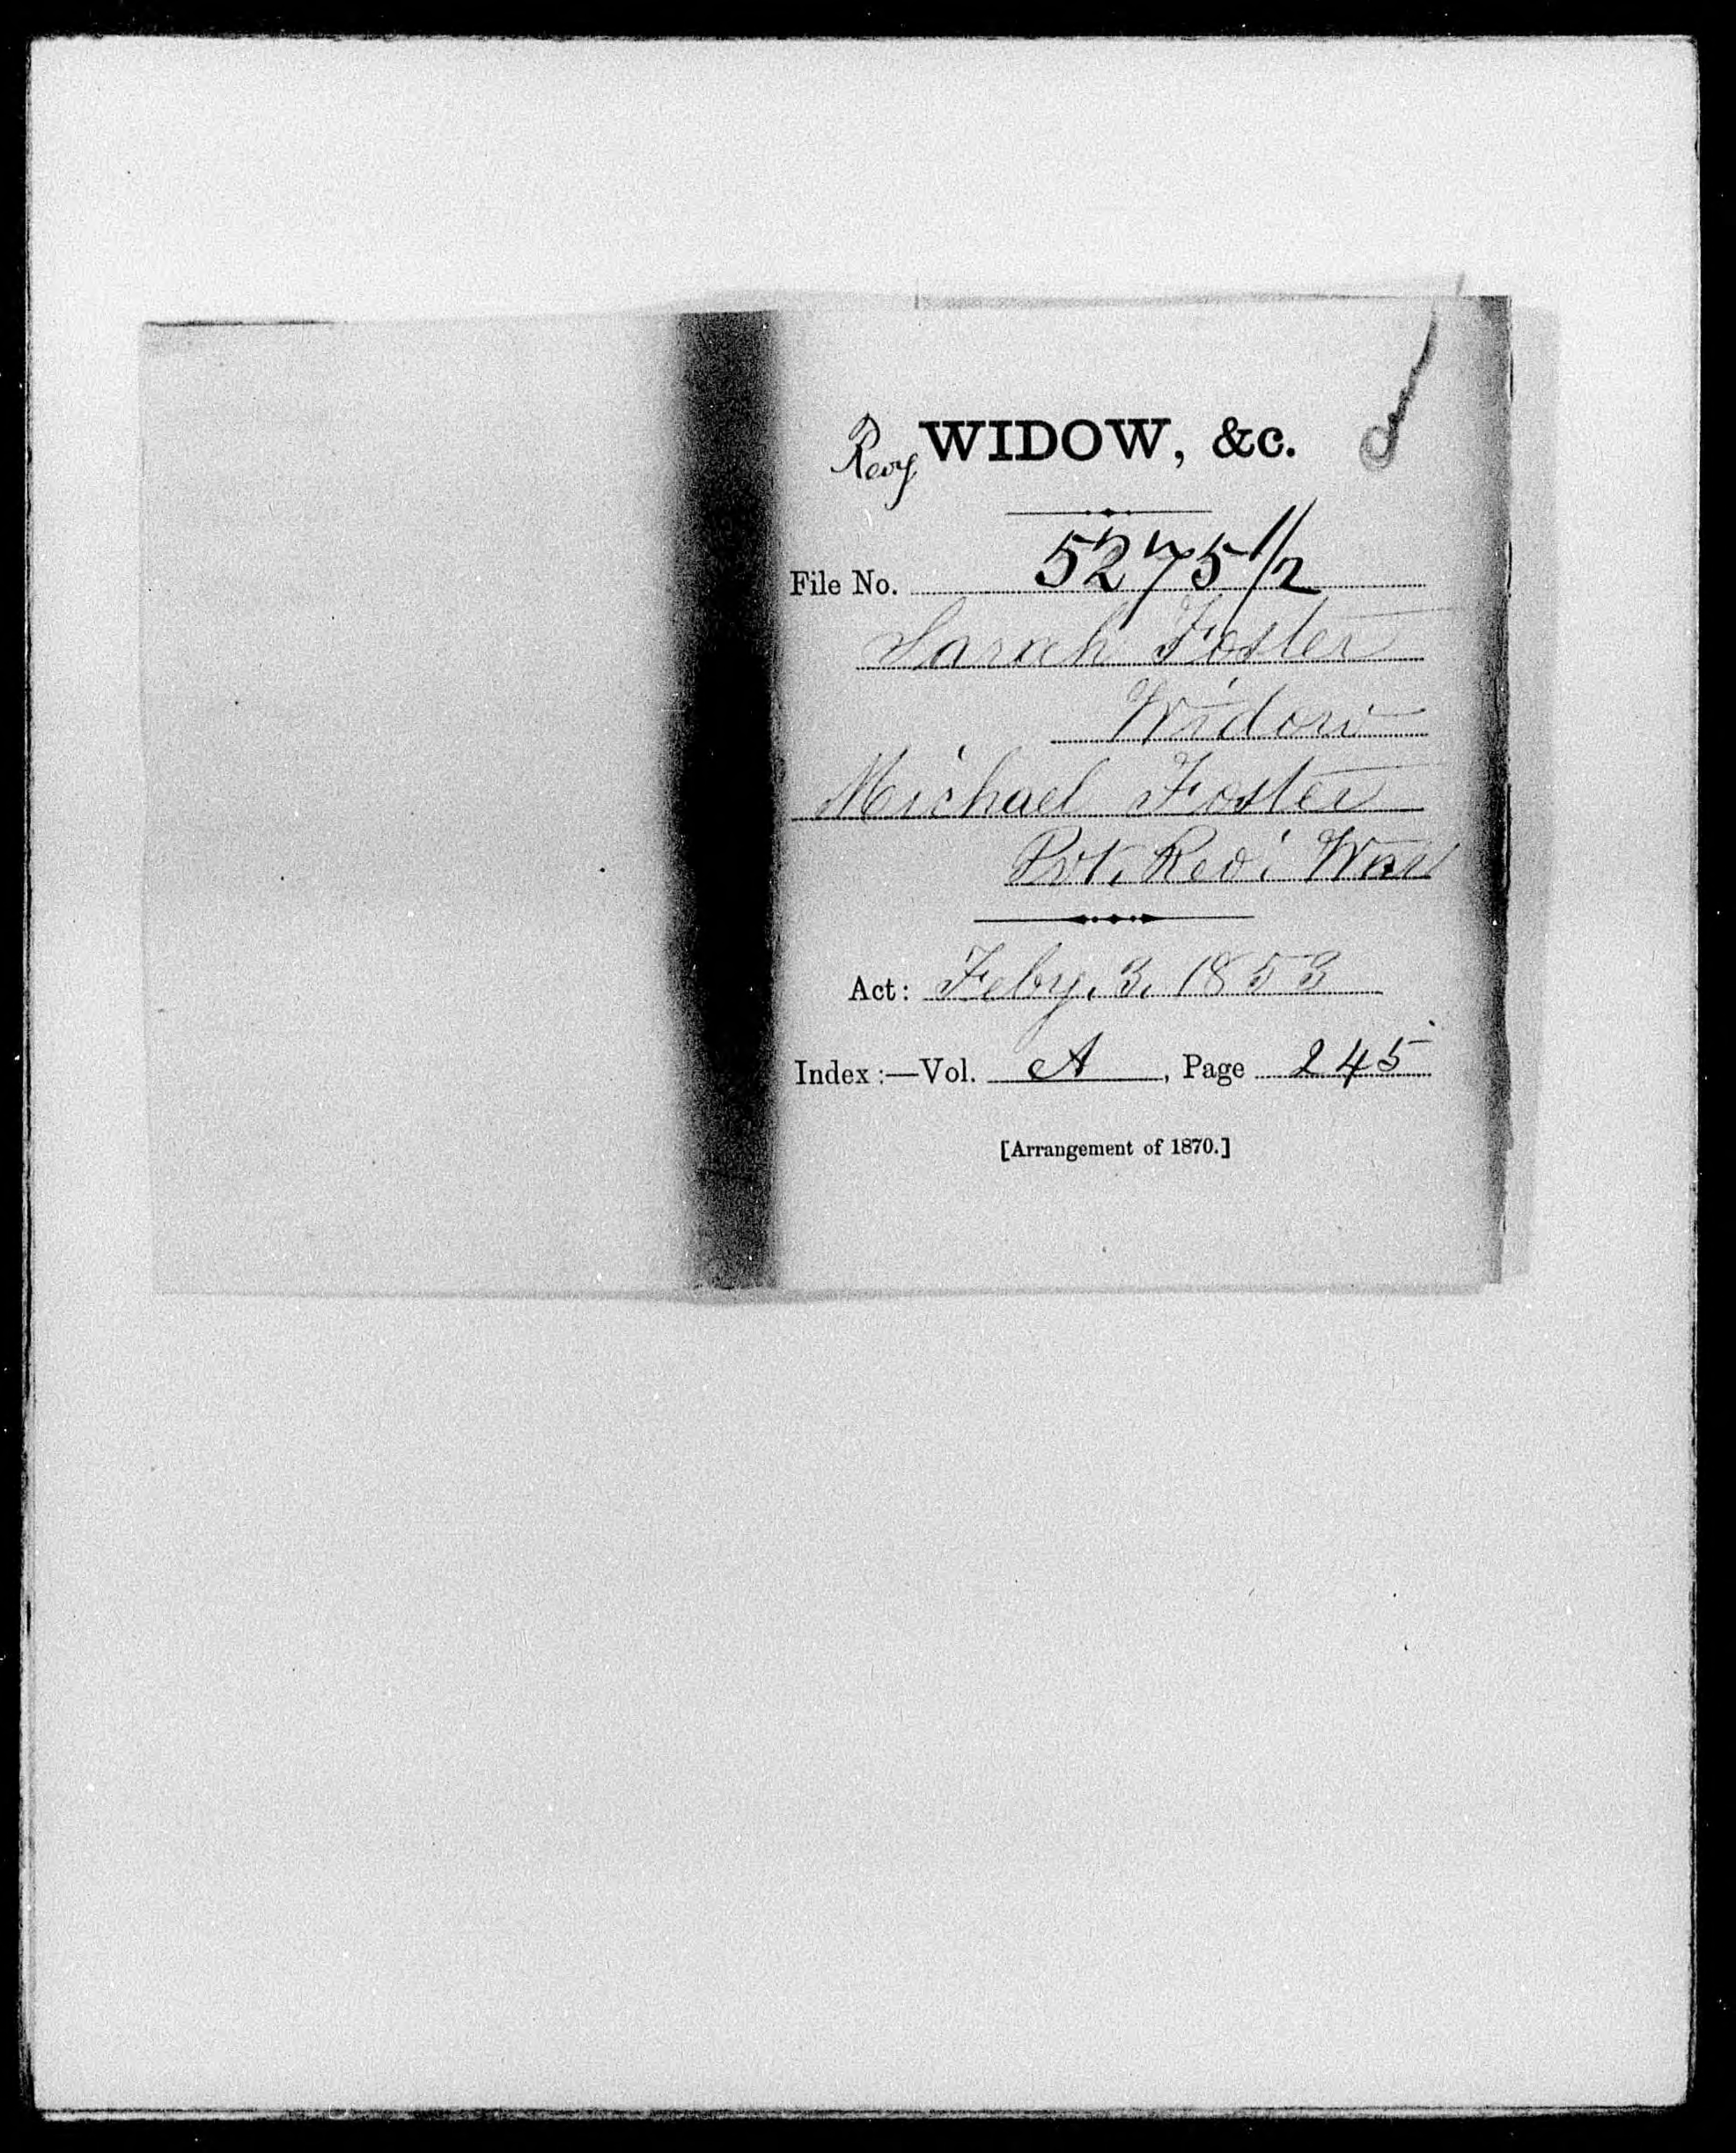Revy WIDOW, &c.
___________________
File No. 5275 1/2
Sarah Foster
Widow
Michael Foster
Pvt. Rev: War
________________
Act: Feby. 3. 1853

Index:-Vol. A, Page 245

[Arrangement of 1870.]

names: Sarah Foster, Michael Foster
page: 49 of 57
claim: widow's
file: W. 5275 1/2, Michael Foster, Penn.